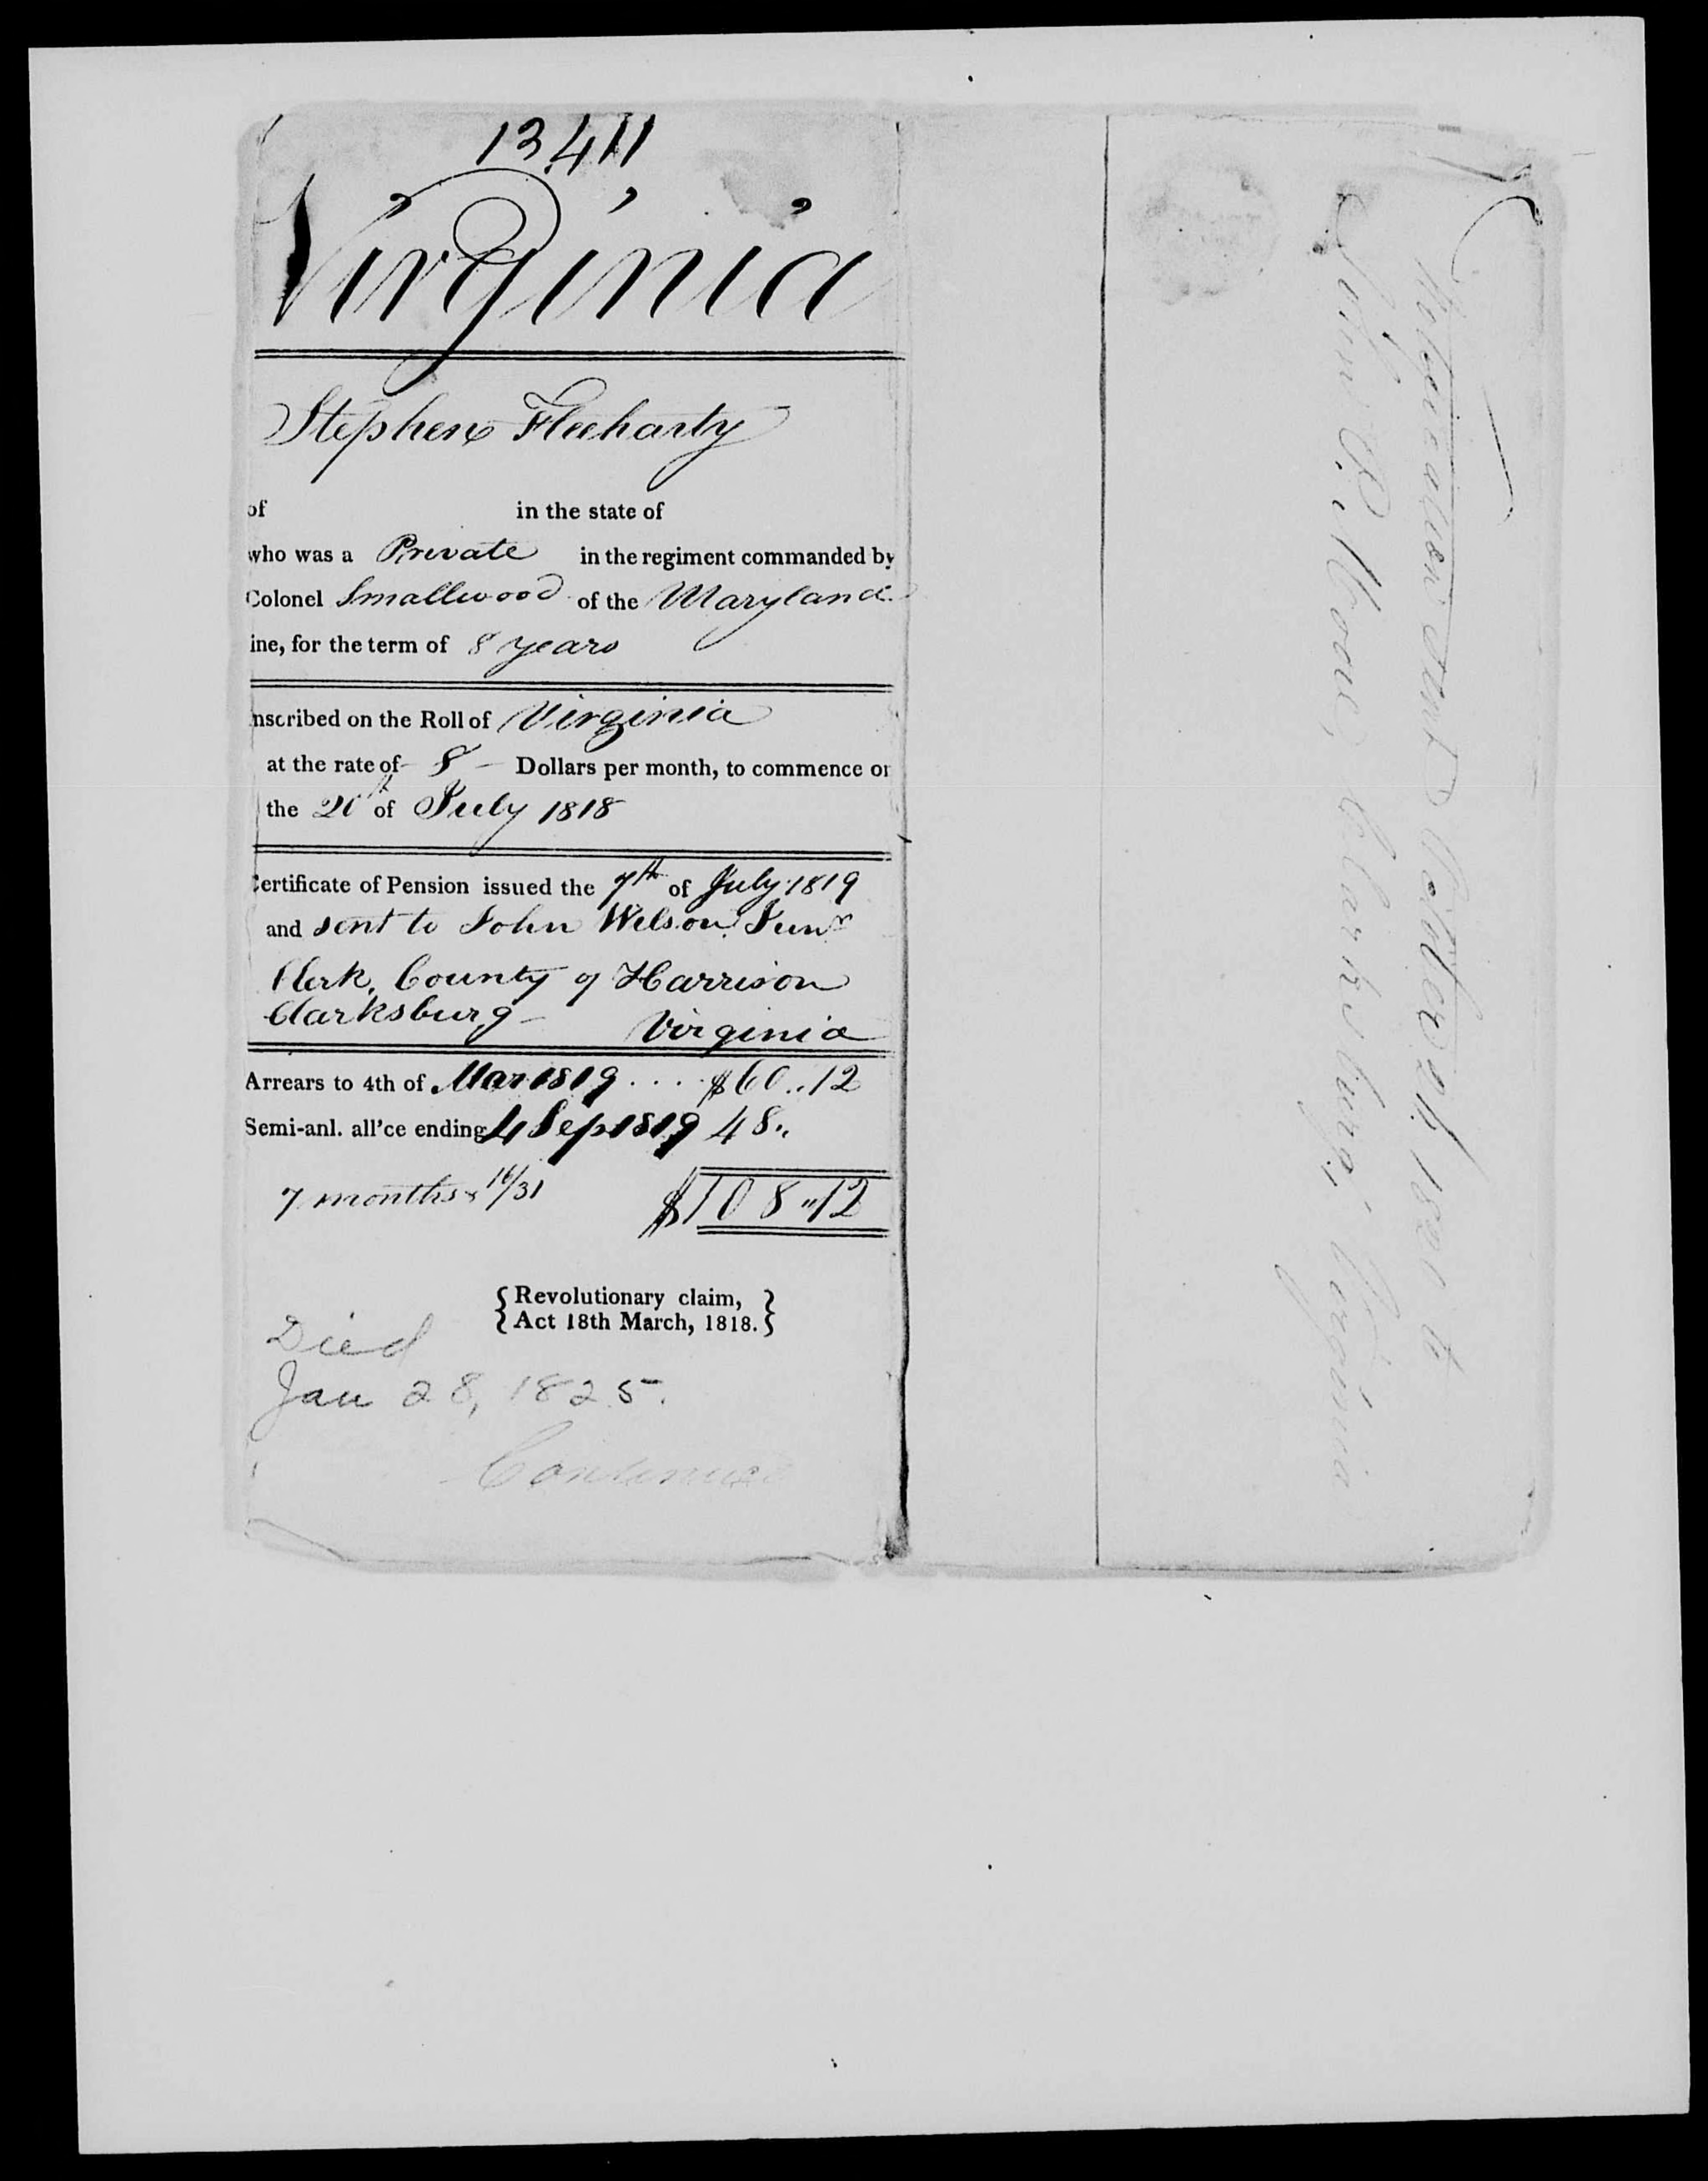13.411      
Virginia          
Stephen Fleeharty           
of     in the state of          who was a Private in the regiment commanded by Colonel Smallwood of the Maryland  for the term of 8 years         
Inscribed on the Roll of Virginia at the rate of 8 Dollars per month, to commence on the 20th of July 1818               
Certificate of Pension issued the 7th of July 1819 and sent to John Wilson Senr Clerk, County of Harrison Clarksburg Virginia              
Arrears to 4th of Mar 1819   ….     $60.12                  
Semi-anl. all’ce ending  4 Sep 1819      48          
7 months 16 / 31            $108.12       
{Revolutionary claim, Act 18th March, 1818.}                
Died Jan 28, 1825 
Continued
Notification sent October 26 1820 
John P. Moore, Clarksburg, Virginia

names: John P Moore, Smallwood, Stephen Fleeharty, John Wilson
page: 2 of 14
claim: survivor's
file: S. 39529, Stephen Fleeharty, Md.